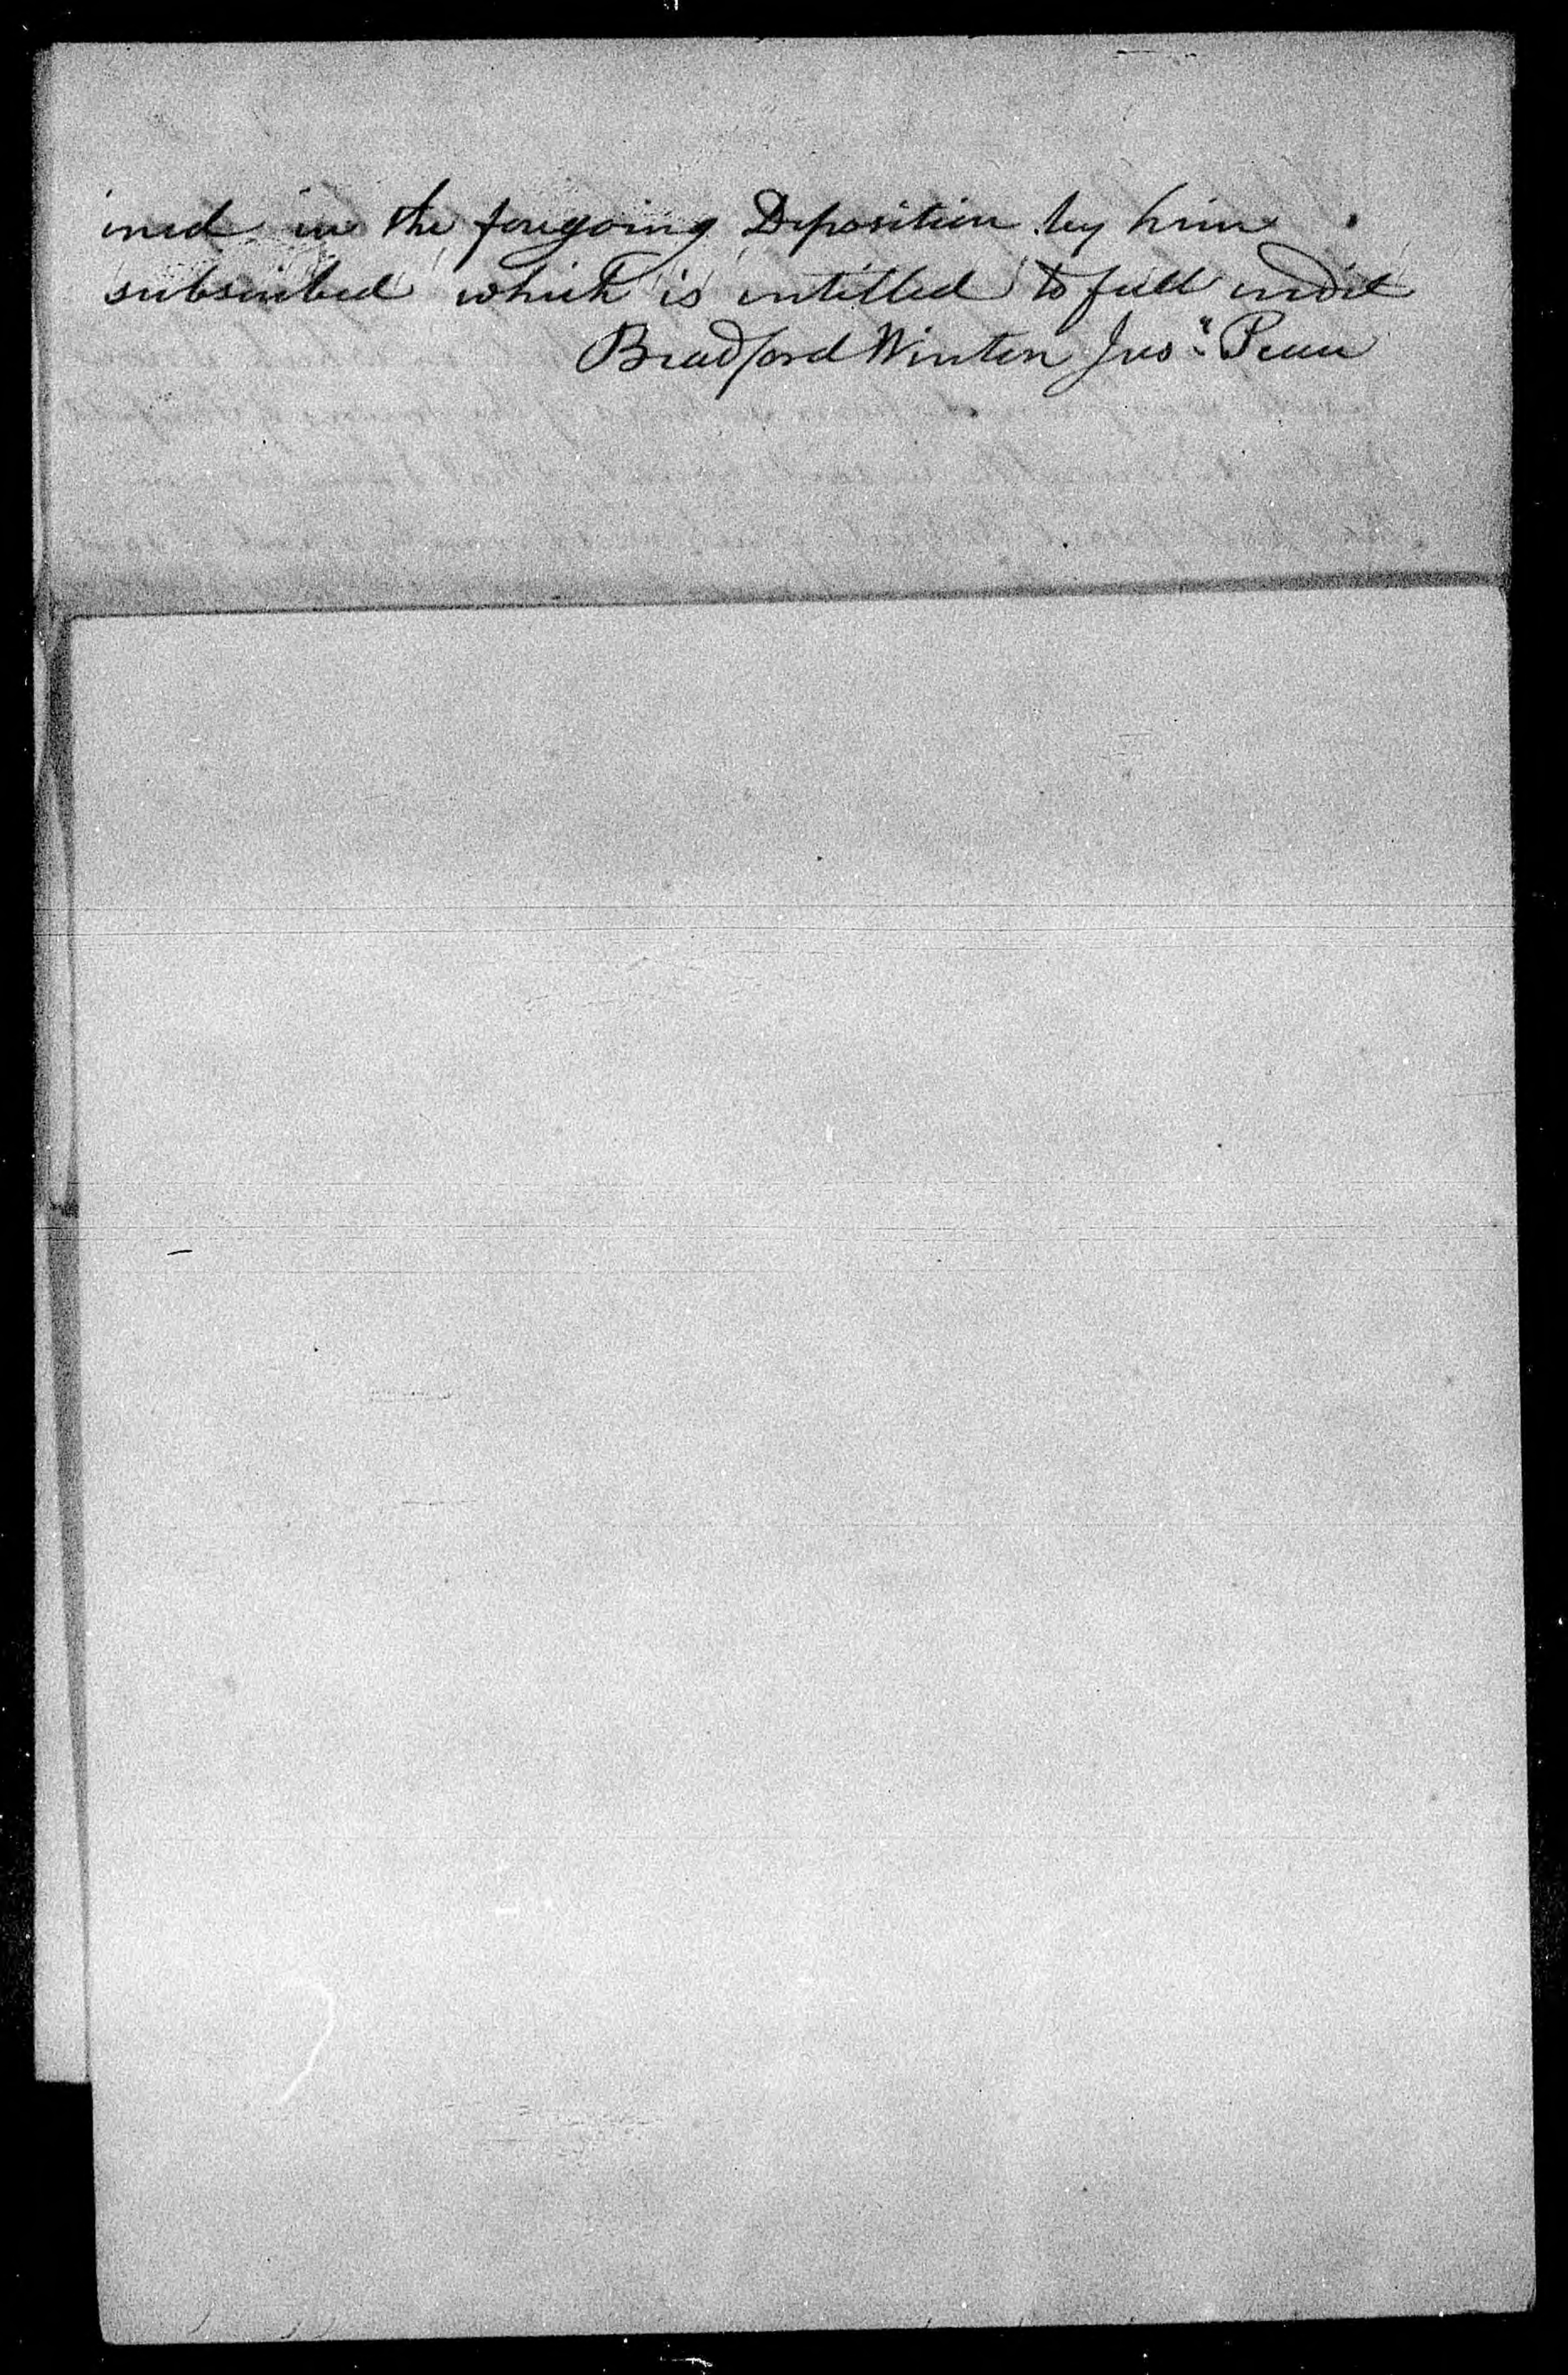(conta)
ined in the foregoing Deposition by him, subscribed which is entitled to full credit
      [Signed] Bradford Winton Jus. Peace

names: Bradford Winton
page: 16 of 49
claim: widow's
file: W 24308, Josiah Gregory, Conn.